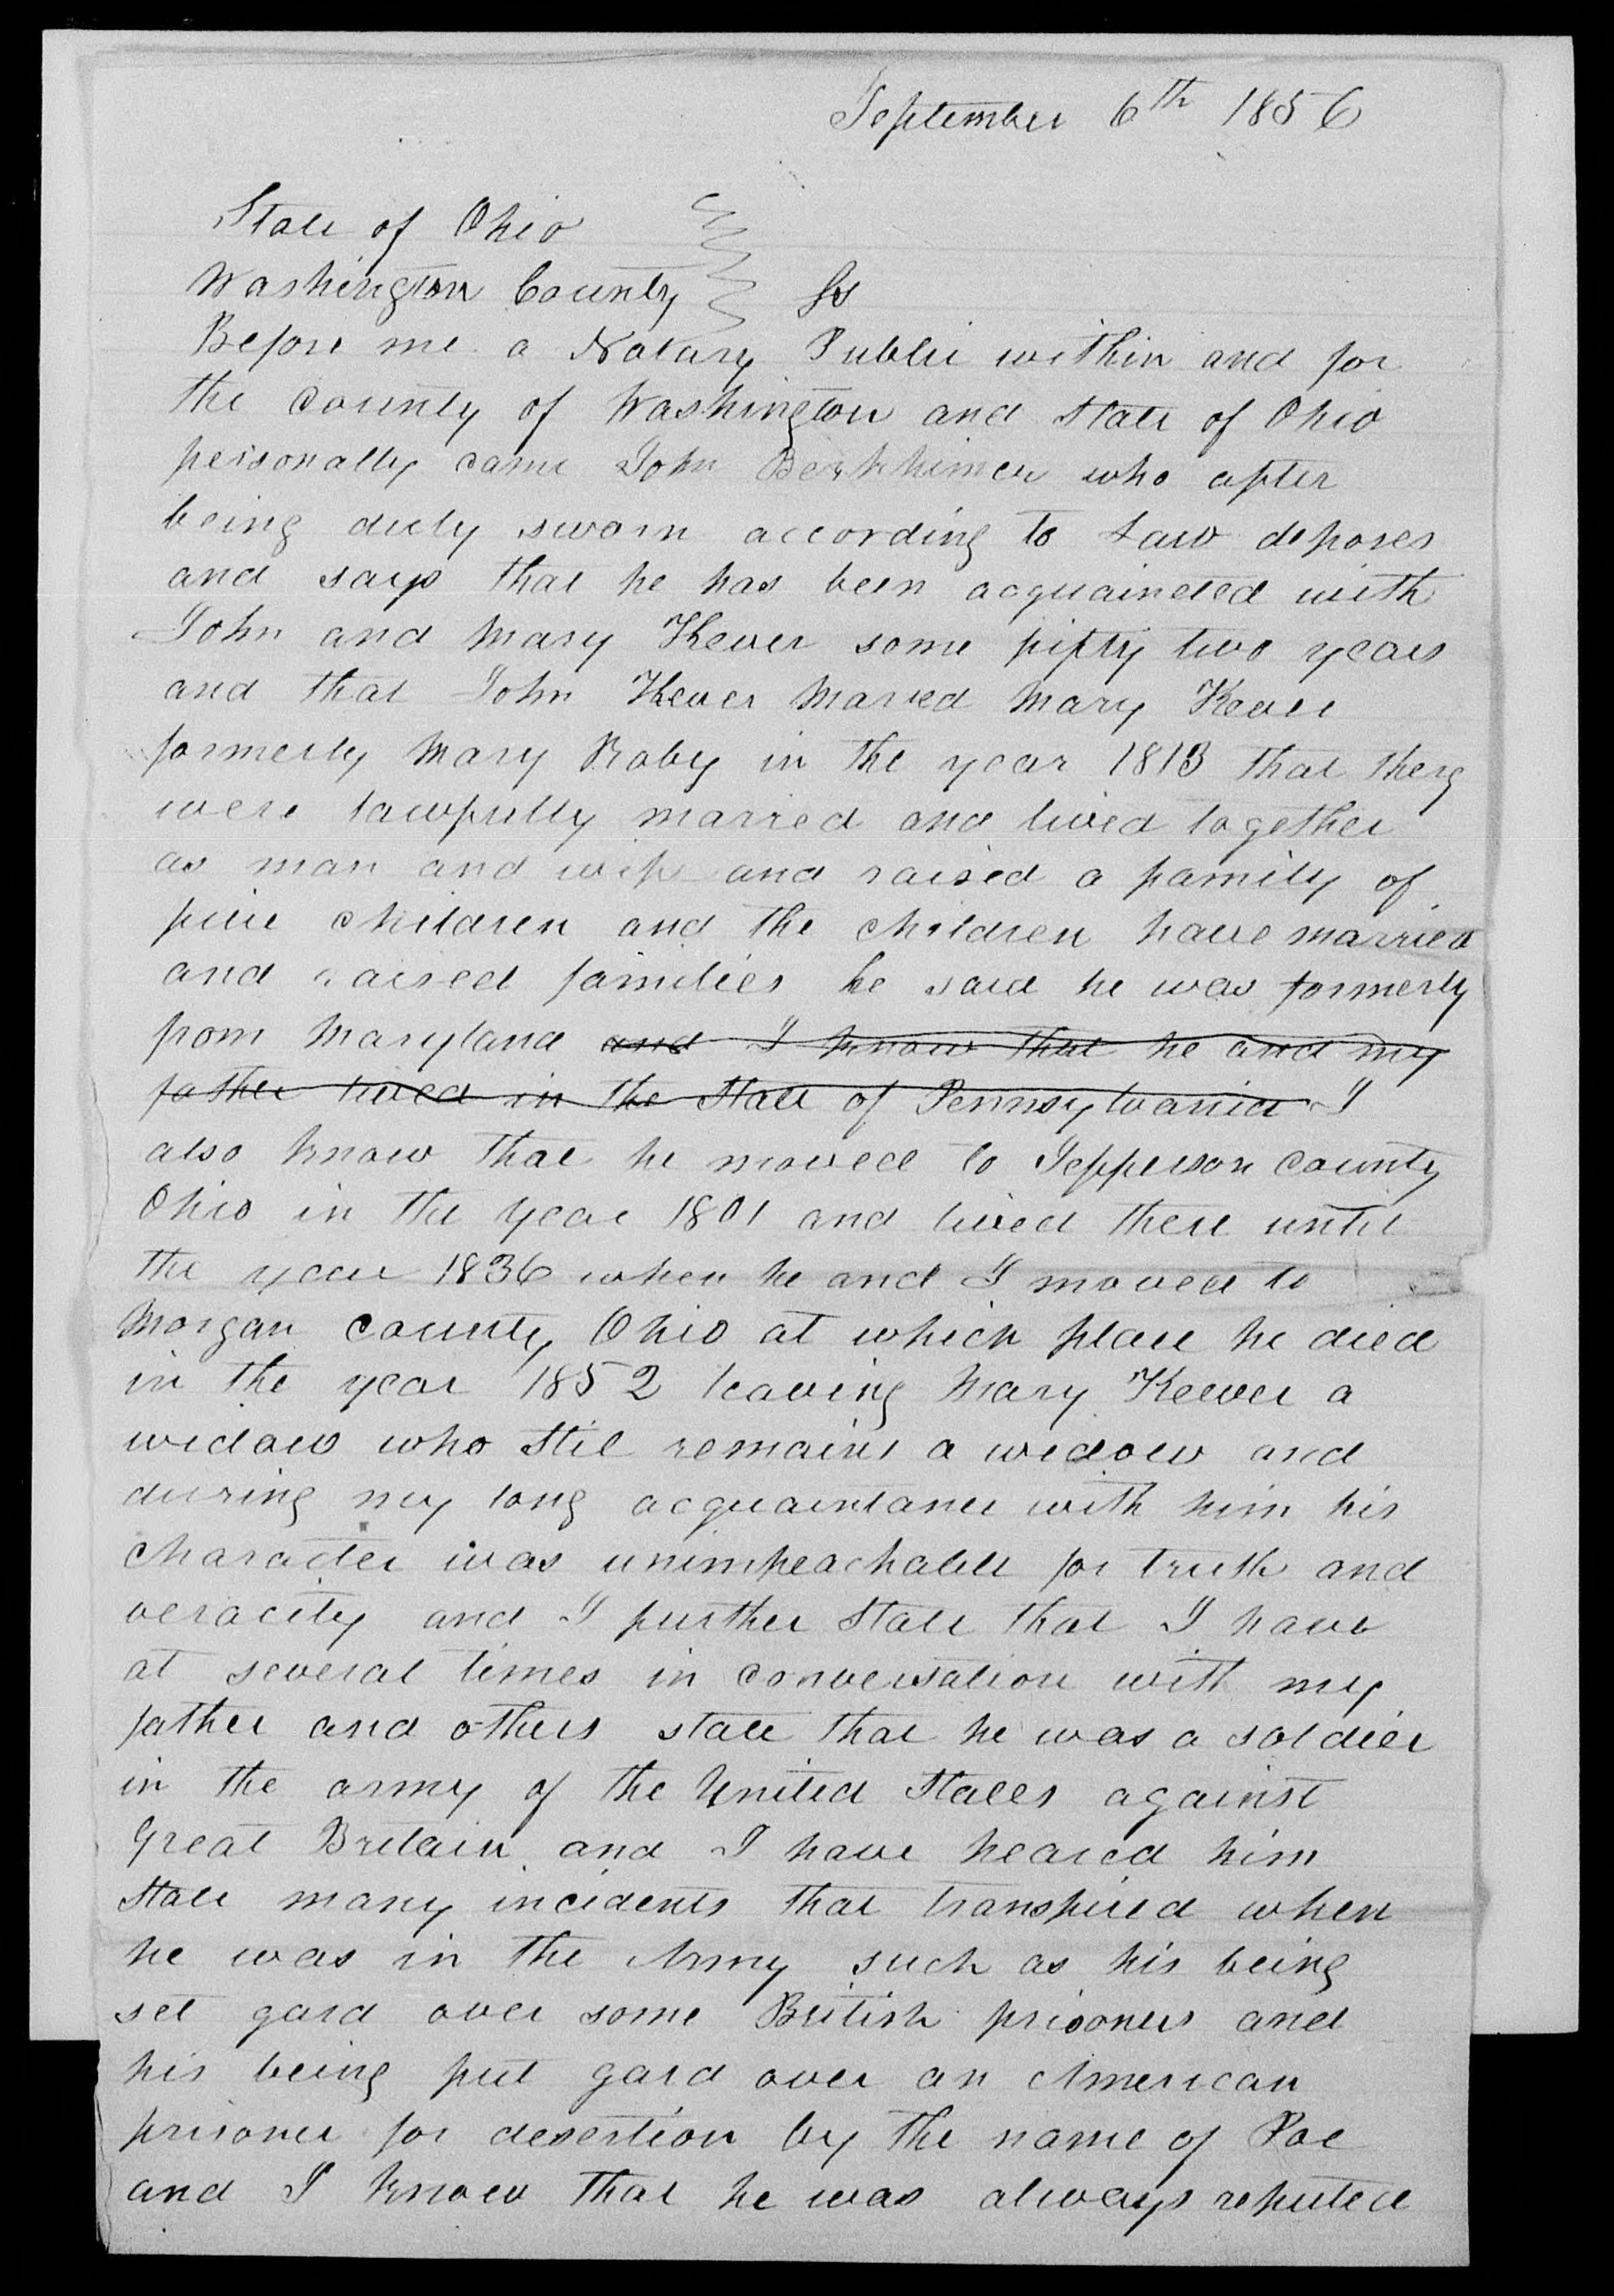September 6th 1856 
State of Ohio 
Washington County ⎬ ss 
Before me a Notary Public within and for 
the County of Washington and State of Ohio 
personally came John Berkhimer who after 
being duly sworn according to Law deposes 
and says that he has been acquainted with 
John and Mary Keever some fifty two years 
and that John Keever Married Mary Keever 
formerly Mary Roby in the year 1813 that they 
were lawfully married and lived together 
as man and wife and raised a family of 
five children and the children have married 
and raised families he said he was formerly from Maryland I also know that he moved to Jefferson County 
Ohio in the year 1801 and lived there until 
the year 1836 when he and I moved to 
Morgan County Ohio at which place he died 
in the year 1852 leaving Mary Keever a 
widow who stil remains a widow and 
during my long acquaintance with him his 
character was unimpeachable for truth and veracity and I further state that I have 
at several times in conversation with my 
father and others state that he was a soldier 
in the army of the United States against 
Great Britain and I have heared him 
State many incidents that transpired when 
he was in the Army such as his being 
set gard over some British prisoners and 
his being put gard over an American 
prisoner for desertion by the name of Poe 
and I know that he was always reputed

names: John Berkhimer; Mary Keever; Mary Raby; John Kever; Mary Kever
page: 19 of 33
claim: rejected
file: R. 5814, for John Keever, Maryland